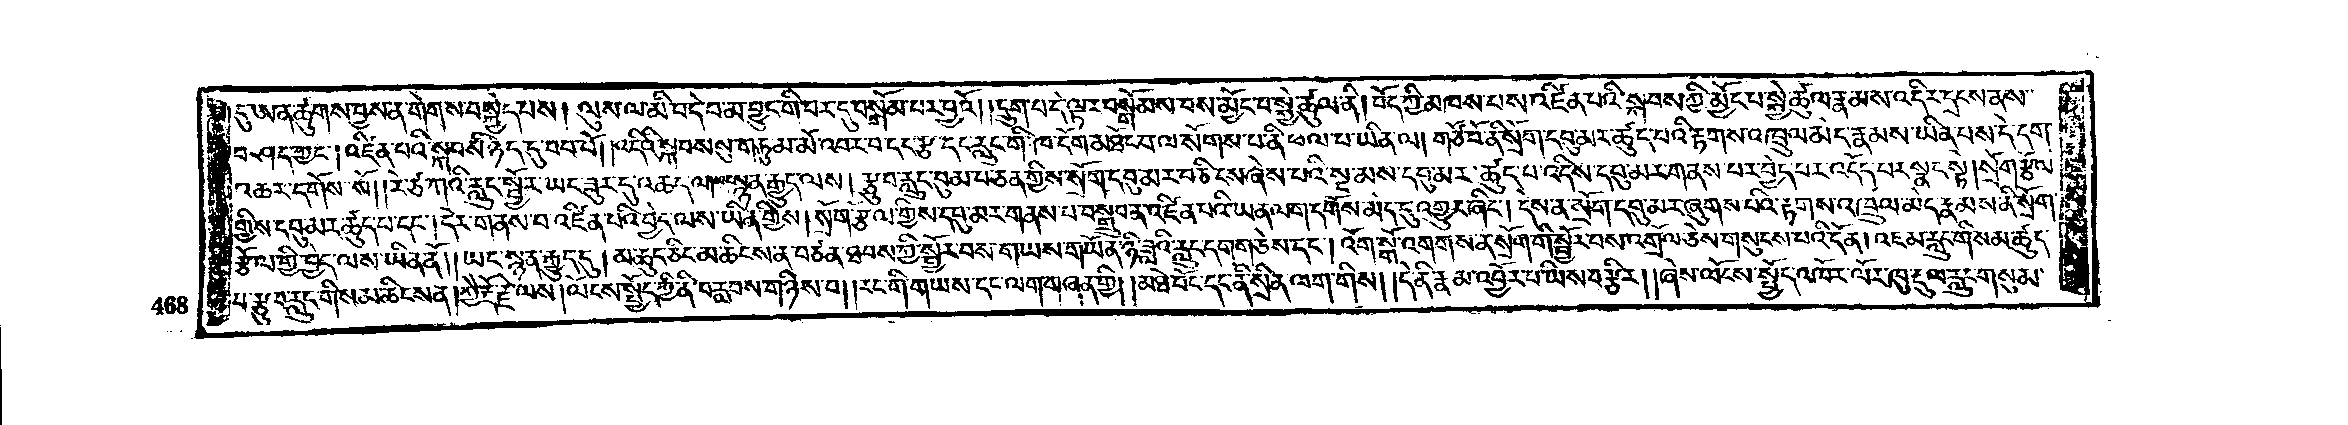དུ་ཨ་ན་ཚུགས་བྱས་ན་གེགས་བསྐྱེད་པས། ལུས་ལ་མི་བདེ་བ་མ་བྱུང་གི་བར་དུ་བསྒོམ་པར་བྱའོ། །དྲུག་པ་དེ་ལྟར་བསྒོམས་པས་མྱོང་བ་སྐྱེ་ཚུལ་ནི། བོད་ཀྱི་མཁས་པས་འཛིན་པའི་སྐབས་ཀྱི་མྱོང་པ་སྐྱེ་ཚུལ་རྣམས་འདིར་དྲངས་ནས་
བཤད་ཀྱང་། འཛིན་པའི་སྐབས་ཉིད་དུ་བབ་པོ། །འདིའི་སྐབས་སུ་གཏུམ་མོ་འབར་བ་དང་རྩ་དང་རླུང་གི་ཁ་དོག་མཐོང་བ་ལ་སོགས་པ་ནི་ཕལ་པ་ཡིན་ལ། གཙོ་བོ་ནི་སྲོག་དབུ་མར་ཚུད་པའི་རྟགས་འཁྲུལ་མེད་རྣམས་ཡིན་པས་དེ་དག་
འཆར་དགོས་སོ། །རེ་ཙ་ཀའི་རླུང་སྦྱོར་ཡང་ཟུར་དུ་འཆད་ལ། ཡང་སྙན་རྒྱུད་ལས། རྩུབ་རླུང་བུམ་པ་ཅན་གྱིས་སྲོག་དབུ་མར་བཅིངས་ཞེས་པའི་སྔ་མས་དབུ་མར་ཚུད་པ་འདིས་དབུ་མར་གནས་པར་བྱེད་པར་འདོད་པར་སྣང་སྟེ། སྲོག་རྩོལ་
གྱིས་དབུ་མར་ཚུད་པ་དང་། དེར་གནས་པ་འཛིན་པའི་བྱེད་ལས་ཡིན་གྱིས། སྲོག་རྩོལ་གྱིས་དབུ་མར་གནས་པ་བསྒྲུབ་ན་འཛིན་པའི་ཡན་ལག་དགོས་མེད་དུ་འགྱུར་ཞིང་། དེས་ན་སྲོག་དབུ་མར་ཞུགས་པའི་རྟགས་འཁྲུལ་མེད་རྣམས་ནི་སྲོག་
རྩོལ་གྱི་བྱེད་ལས་ཡིན་ནོ། །ཡང་སྙན་རྒྱུད་དུ། མ་ཚུད་ཅིང་མ་ཆིངས་ན་བཙན་ཐབས་ཀྱི་སྦྱོར་བས་གཡས་གཡོན་ཉི་ཟླའི་རླུང་དགག་ཅེས་དང་། འོག་སྒོ་འགགས་ན་སྲོག་གི་སྦྱོར་བས་འགྲོལ་ཅེས་གསུངས་པའི་དོན། འཇམ་རླུང་གི་ས་?་མ་ཚུད་
པ་རྩུབ་རླུང་གིས་མ་ཆིངས་ན། ཀྱཻ་རྡོ་རྗེ་ལས། ལོངས་སྤྱོད་ཀྱི་ནི་བརླབས་གཉིས་པ། །རང་གི་གཡས་དང་ལག་གཞན་གྱི། །མཐེ་བོང་དང་ནི་སྲིན་ལག་གིས། །དེ་ནི་རྣམ་འབྱོར་པ་ཡིས་བརྩིར། །ཞེས་ལོངས་སྤྱོད་འཁོར་ལོར་ཁུ་རྡུལ་རླུང་གསུམ་